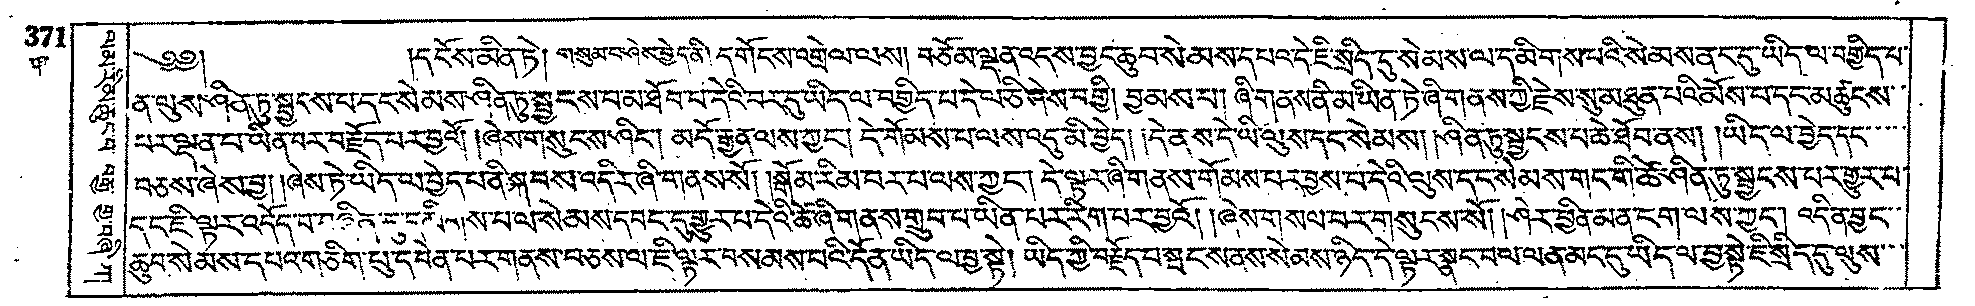༄༅། །དངོས་མིན་ཏེ། གསུམ་པ་ཤེས་བྱེད་ནི།  དགོངས་འགྲེལ་ལས། བཅོམ་ལྡན་འདས་བྱང་ཆུབ་སེམས་དཔའ་དེ་ཇི་སྲིད་དུ་སེམས་ལ་དམིགས་པའི་སེམས་ནང་དུ་ཡིད་ལ་བགྱིད་པ་
ན་ལུས་ཤིན་ཏུ་སྦྱངས་པ་དང་སེམས་ཤིན་ཏུ་སྦྱངས་པ་མ་ཐོབ་པ་དེའི་བར་དུ་ཡིད་ལ་བགྱིད་པ་དེ་ལ་ཅི་ཞེས་བགྱི། བྱམས་པ། ཞི་གནས་ནི་མ་ཡིན་ཏེ་ཞི་གནས་ཀྱི་རྗེས་སུ་མཐུན་པའི་མོས་པ་དང་མཚུངས་
པར་ལྡན་པ་ཡིན་པར་བརྗོད་པར་བྱའོ། །ཞེས་གསུངས་ཤིང་། མདོ་རྒྱན་ལས་ཀྱང་། དེ་གོམས་པ་ལས་འདུ་མི་བྱེད། །དེ་ནས་དེ་ཡི་ལུས་དང་སེམས། །ཤིན་ཏུ་སྦྱངས་པ་ཆེ་ཐོབ་ནས། །ཡིད་ལ་བྱེད་དང་
བཅས་ཞེས་བྱ། །ཞེས་ཏེ་ཡིད་ལ་བྱེད་པ་ནི་སྐབས་འདིར་ཞི་གནས་སོ། །སྒོམ་རིམ་བར་པ་ལས་ཀྱང་། དེ་ལྟར་ཞི་གནས་གོམས་པར་བྱས་པ་དེའི་ལུས་དང་སེམས་གང་གི་ཚེ་ཤིན་ཏུ་སྦྱངས་པར་གྱུར་པ་
དང་ཇི་ལྟར་འདོད་པ་བཞིན་དུ་དམིགས་པ་ལ་སེམས་དབང་དུ་གྱུར་པ་དེའི་ཚེ་ཞི་གནས་གྲུབ་པ་ཡིན་པར་རིག་པར་བྱའོ། །ཞེས་གསལ་བར་གསུངས་སོ། །ཤར་ཕྱིན་མན་ངག་ལས་ཀྱང་། འདི་ན་བྱང་
ཆུབ་སེམས་དཔའ་གཅིག་པུ་དབེན་པར་གནས་བཅས་ལ་ཇི་ལྟར་བསམ་པའི་དོན་ཡིད་ལ་བྱ་སྟེ། ཡིད་ཀྱི་བརྗོད་པ་སྤངས་ནས་སེམས་ཉིད་དེ་ལྟར་སྣང་བ་ལ་ལན་མང་དུ་ཡིད་ལ་བྱ་སྟེ་ཇི་སྲིད་དུ་ལུས་